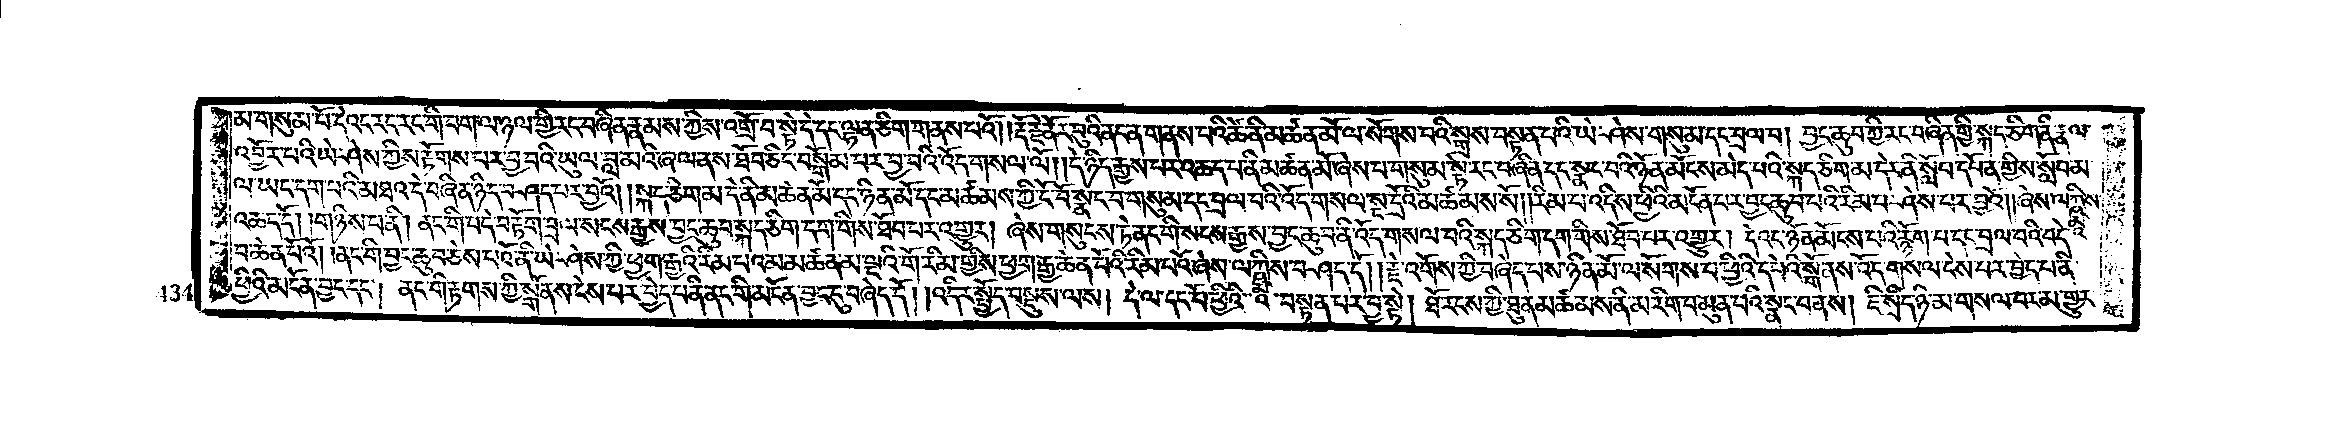མ་གསུམ་པོ་དེའང་རང་རང་གི་བག་ལ་ཉལ་གྱི་རང་བཞིན་རྣམས་ཀྱིས་འགྲོ་བ་སྟེ་དེ་དང་ལྷན་ཅིག་གནས་པའོ། །རྡོ་རྗེ་ནོར་བུའི་ནང་ན་གནས་པའི་ཚེ་ནི་མཚན་མོ་ལ་སོགས་པའི་སྒྲས་བསྟན་པའི་ཡེ་ཤེས་གསུམ་དང་བྲལ་བ། བྱང་ཆུབ་ཀྱི་རང་བཞིན་གྱི་སྐད་ཅིག་ནི་རྣལ་
འབྱོར་པའི་ཡེ་ཤེས་ཀྱིས་རྟོགས་པར་བྱ་བའི་ཡུལ་བླ་མའི་ཞལ་ནས་ཐོབ་ཅིང་བསྒོམ་པར་བྱ་བའི་འོད་གསལ་ལོ། །དེ་ཉིད་རྒྱས་པར་འཆད་པ་ནི་མཚན་མོ་ཞེས་པ་གསུམ་སྟེ་རང་བཞིན་དང་སྣང་བའི་ཉོན་མོངས་མེད་པའི་སྐད་ཅིག་མ་དེར་ནི་སློབ་དཔོན་གྱིས་སློབ་མ་
ལ་ཡང་དག་པའི་མཐའ་དེ་བཞིན་ཉིད་བཤད་པར་བྱའོ། །སྐད་ཅིག་མ་དེ་ནི་མཚན་མོ་དང་ཉིན་མོ་དང་མཚམས་ཀྱི་ངོ་བོ་སྣང་བ་གསུམ་དང་བྲལ་བའི་འོད་གསལ་སྔ་དྲོའི་མཚམས་སོ། །རིམ་པ་འདིས་ཕྱིའི་མངོན་པར་བྱང་ཆུབ་པའི་རིམ་པ་ཤེས་པར་བྱའོ། །ཞེས་ལཀྵྨཱིས་
འཆད་དོ། །གཉིས་པ་ནི། ནང་གི་བདེ་བ་རྟོག་བྲལ་སངས་རྒྱས་བྱང་ཆུབ་སྐད་ཅིག་དག་གིས་ཐོབ་པར་འགྱུར། ཞེས་གསུངས་ཏེ་ནང་གི་སངས་རྒྱས་བྱང་ཆུབ་ནི་འོད་གསལ་བའི་སྐད་ཅིག་དག་གིས་ཐོབ་པར་འགྱུར། དེའང་ཉོན་མོངས་པའི་རྙོག་པ་དང་བྲལ་བའི་བདེ་
བ་ཆེན་པོའོ། །ནང་གི་བྱང་ཆུབ་ཅེས་པའོ་ནི་ཡེ་ཤེས་ཀྱི་ཕྱག་རྒྱའི་རིམ་པའམ་མཚན་མ་ལྔའི་གོ་རིམ་གྱིས་ཕྱག་རྒྱ་ཆེན་པོའི་རིམ་པའོ་ཞེས་ལཀྵྨཱིས་བཤད་དོ། །རྗེ་འགོས་ཀྱི་བཞེད་པས་ཉིན་མོ་ལ་སོགས་པ་ཕྱིའི་དཔེའི་སྒོ་ནས་འོད་གསལ་ངེས་པར་བྱེད་པ་ནི་
ཕྱིའི་མངོན་བྱང་དང་། ནང་གི་རྟགས་ཀྱི་སྒོ་ནས་ངེས་པར་བྱེད་པ་ནི་ནང་གི་མངོན་བྱང་དུ་བཞེད་དོ། །འདིར་སྤྱོད་བསྡུས་ལས། དེ་ལ་དང་པོ་ཕྱིའི་བསྟན་པར་བྱ་སྟེ། ཐོ་རངས་ཀྱི་ཐུན་མཚམས་ནི་མ་རིག་པ་མུན་པའི་སྣང་བ་ནས། ཇི་སྲིད་ཉི་མ་གསལ་བར་མ་གྱུར་